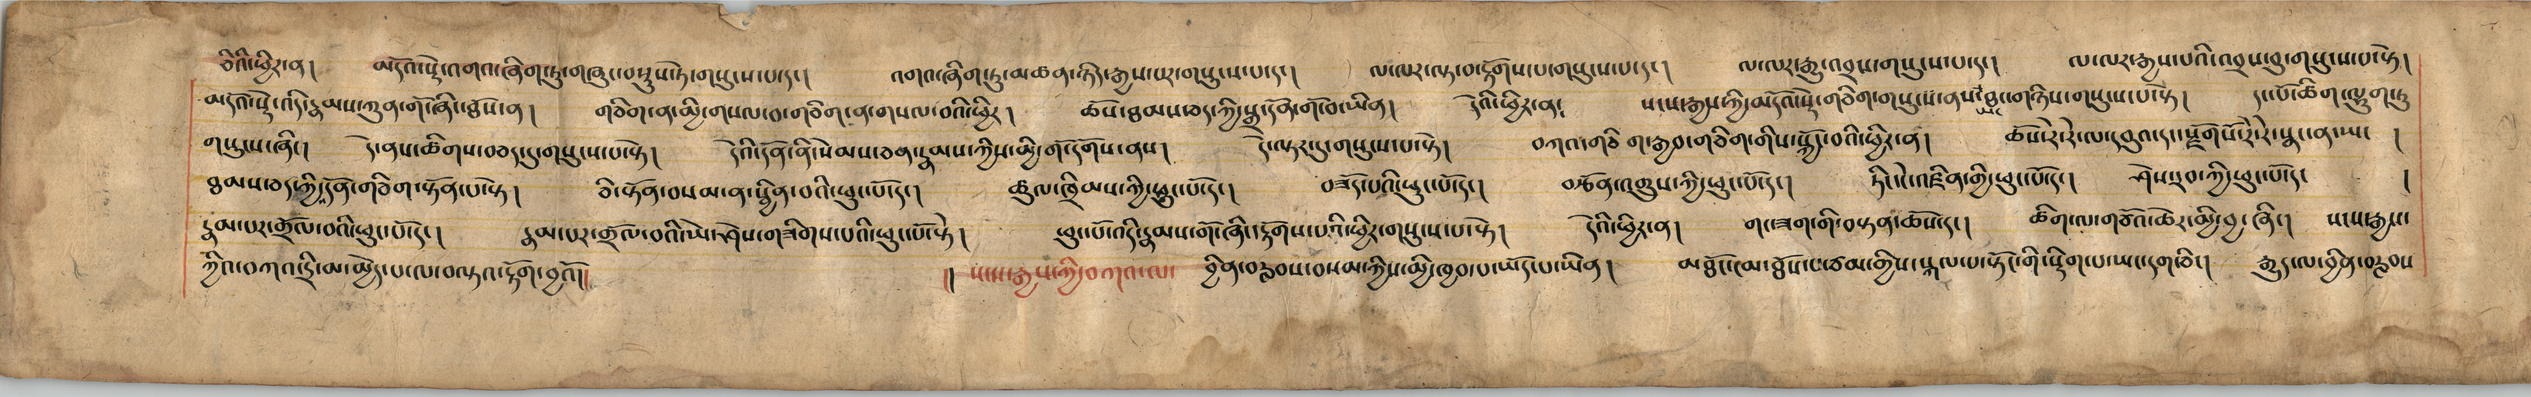ཅིའི་ཕྱིར་ན། མདོའ་སྡེ་འགའ་ཞིག་ཏུ་གཞུང་བསྡུས་ཏེ་གསུངས་པ་དང། འགའ་ཞིག་ཏུ་མཚན་ཉིད་རྒྱས་པར་གསུངས་པ་དང། ལ་ལར་ལྟ་བ་རྟོགས་པ་གསུངས་པ་དང། ལ་ལར་རྒྱུ་འབྲས་གསུངས་པ་དང། ལ་ལར་རྒྱས་པའི་འབྲས་བུ་གསུངས་པ་སྟེ།
མདོའ་སྡེ་འདི་རྣམས་ཀུན་གོ་ཞིང་ཐོས་ན། གཅིག་ན་མྱི་གསལ་བ་གཅིག་ན་གསལ་བའི་ཕྱིར། ཆོས་ཐམས་ཅད་ཀྱི་སྒྲ་དོན་གོ་བ་ཡིན། དེའི་ཕྱིར་ན། སངས་རྒྱས་ཀྱི་མདོའ་སྡེ་གཅིག་གསུངས་ནས་ཐང་གཉིས་གསུངས་པ་སྟེ། དང་པོ་ཚིག་ལྷུག་ཏུ
གསུངས་ཞིང། དེ་ནས་ཚིགས་བཅད་དུ་གསུངས་པ་སྟེ། དེའི་དོན་ནི་སེམས་ཅན་རྣམས་ཀྱིས་མྱི་གོ་དགོས་ནས། དེ་ལྟར་དུ་གསུངས་པ་སྟེ། བཀའ་གཅིག་རྒྱབ་གཅིག་གིས་སྐྱོ་བའི་ཕྱིར་ན། ཆོས་རེ་རེ་ལ་དབུའ་དང་སྫོགསོ་རེ་ེར་སྣང་ན་ཡང །
ཐམས་ཅད་ཀྱི་དོན་གཅིག་སྟོན་པ་སྟེ། ཅི་སྟོན་བསམ་ན་སྦྱིན་བའི་ཕུང་པོ་དང། ཚུལ་ཁྲིམས་ཀྱི་ཕུང་པོ་དང། བཟོད་པའི་ཕུང་པོ་དང། བརྩོན་འགྲུས་ཀྱི་ཕུང་པོ་དང། ཏིང་ངེ་འཛིན་གྱི་ཕུང་པོ་དང། ཤེས་རབ་ཀྱི་ཕུང་པོ་དང
རྣམ་པར་གྲོལ་བའི་ཕུང་པོ་དང། རྣམ་པར་གྲོལ་བའི་ཡེ་ཤེས་གཟིགས་པའི་ཕུང་པོ་སྟེ། ཕུང་པོ་འདི་རྣམས་གོ་ཞིང་རྟོགས་པའི་ཕྱིར་གསུངས་པ་སྟེ། དེའི་ཕྱིར་ན། གང་ཟག་གི་བསྟན་ཆོས་དང། ཚིག་ལ་གཙོའ་ཆེར་མྱི་བྱ་ཞིང། སངས་རྒྱས་
ཀྱིའ་བཀའ་དྲི་མ་མྱེད་པ་ལ་བལྟའ་རྟོག་བྱའོ།། །། སངས་རྒྱས་ཀྱི་བཀའ་ལ་ བྱིན་བརླབས་བསམ་ཀྱིས་མྱི་ཁྱབ་པ་ཡོད་པ་ཡིན། མཐོང་ངམ་ཐོས་པ་ཙམ་གྱིས་སྐལ་པ་སྟོང་གི་སྡིག་པ་ཡང་དག་ཅིང། རྒྱུད་ལ་བྱིན་བརླབས